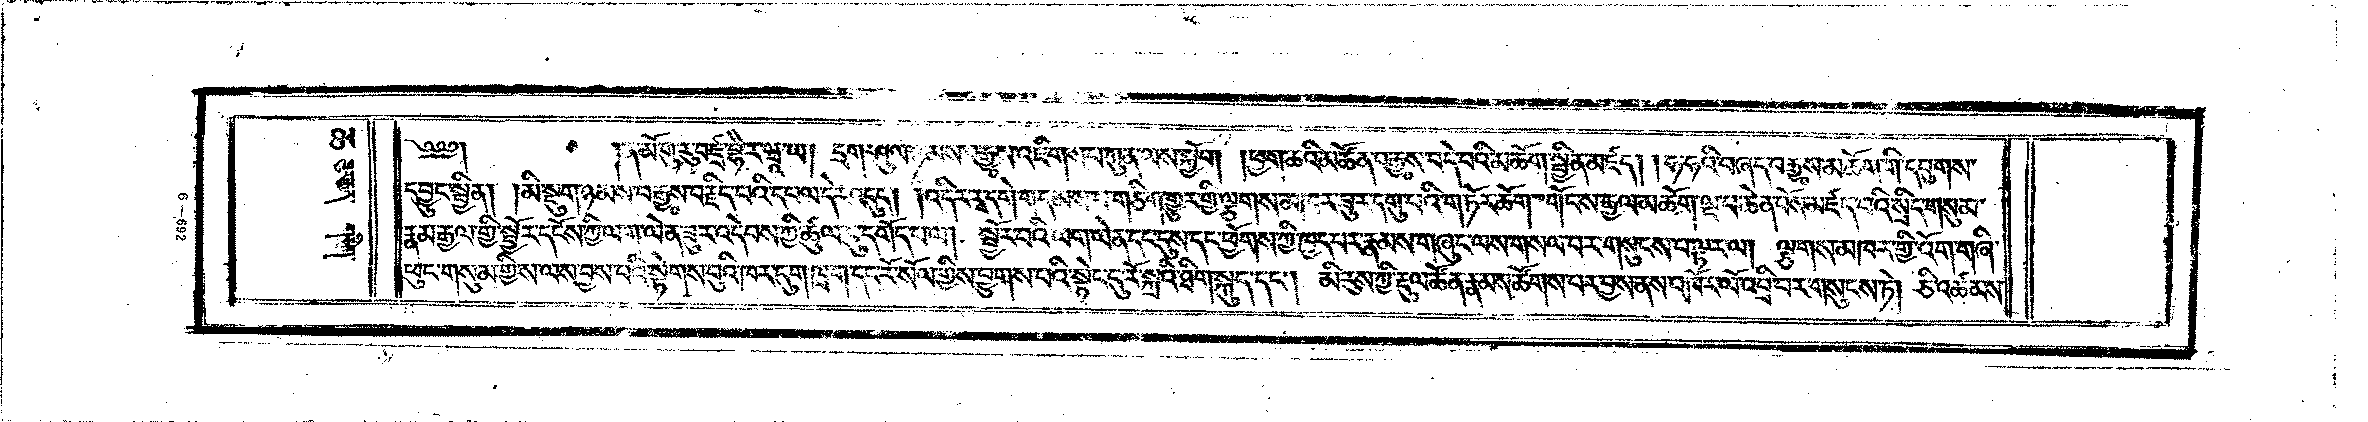༄༅༅། །ན་མོ་གུ་རུ་བཛྲ་བྷཻ་ར་ཝཱ་ཡ། དྲག་ཤུལ་ཉམས་བརྒྱས྾་འཇིགས་པ་ཀུན་ལས་སྐྱོག །ཕྱག་ཆའི་མཚོན་བརྒྱས྾་བདེ་བའི་མཆོག་སྦྱིན་མཛད། །ཧ་ཧའི་བཞད་བརྒྱས྾་མཆོག་གི་དབུགས་
དབྱུང་སྦྱིན། །མི་སྡུག་ཉམས་བ་རྒྱས྾་བརྗིད་པའི་དཔལ་དེར་བདུད། །འདིར་རྭ་དགེ་གདམས་པ་གཅིག་གྱུར་གྱི་ལྕགས་མཁར་ཟུར་དགུ་པའི་གཏོར་ཆོག ༧གོང་ས་རྒྱལ་མཆོག་ལྔ་པ་ཆེན་པོས་དམ་པའི་སྲིད་གསུམ་
རྣམ་རྒྱལ་གྱི་སྦྱོར་དངོས་གྱི་ལག་ལེན་ཟུར་འདེབས་ཀྱི་ཚུལ་དུ་དགོད་པ་ལ། སྦྱོར་བའི་ལག་ལེན་དང་དུས་དང་ཕྱོགས་ཀྱི་ཁྱད་པར་རྣམས་གཞུང་ལས་གསལ་བར་གསུངས་པ་ལྟར་ལ། ལྕགས་མཁར་གྱི་འོག་གཞི་
ཕུང་གསུམ་གྱིས་ལས་བྱས་པའི་སྟེགས་བུའི་ཁར་དུག་ཁྲག་དང་རོ་སོལ་གྱིས་བྱུགས་པའི་སྟེང་དུ་རོ་སྐྲའི་ཐིག་སྐུད་དང་། མི་རུས་ཀྱི་རྡུལ་ཚོན་རྣམས་ཚོགས་པར་བྱས་ནས་འཁོར་ལོ་འབྲི་བར་གསུངས་ཏེ། ཅི་འཚམས་